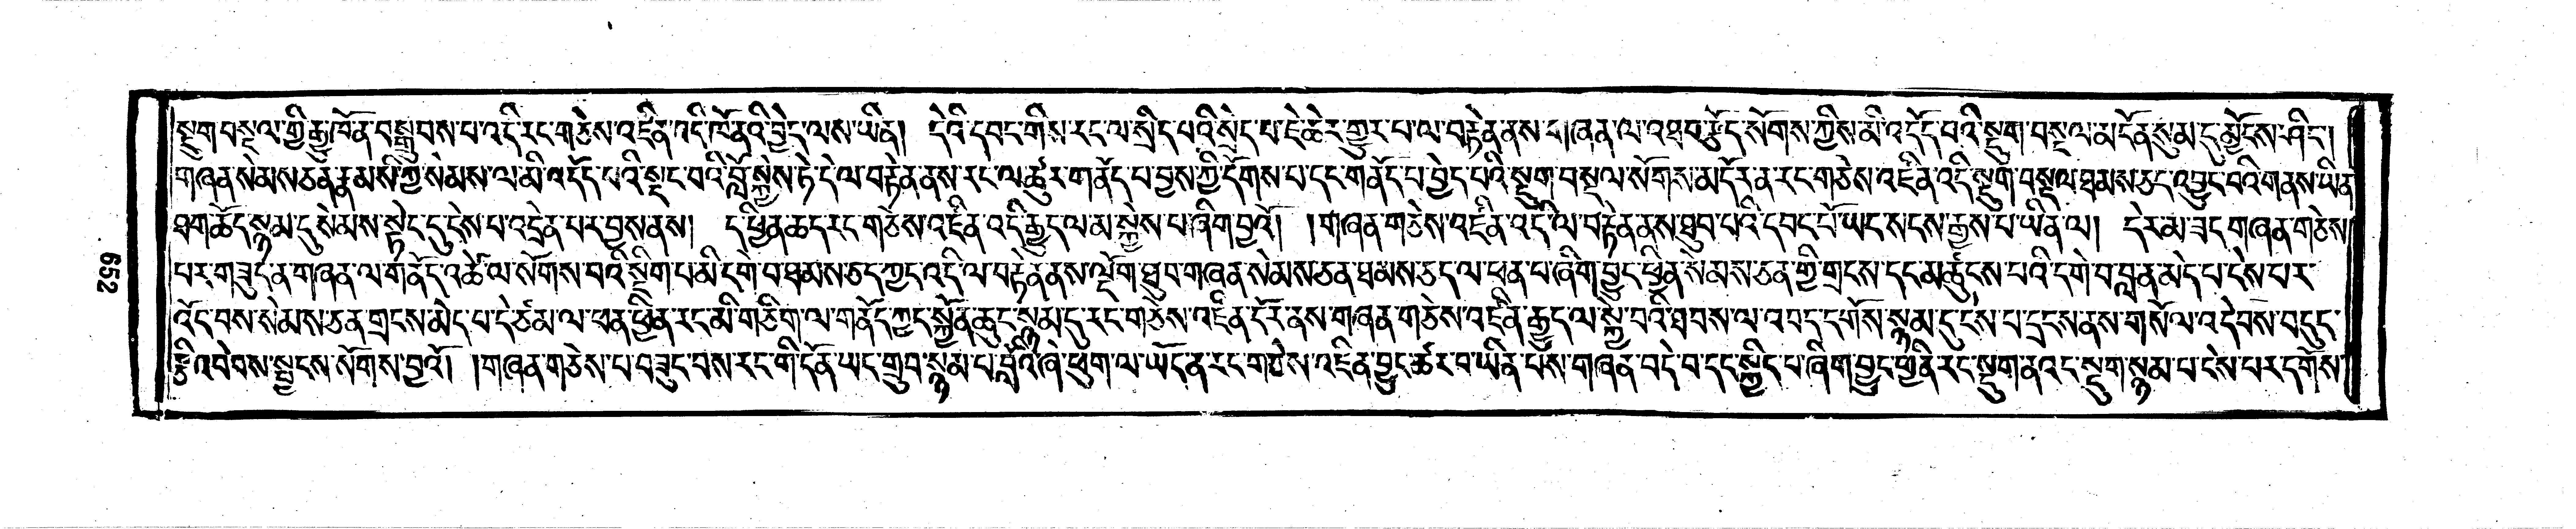སྡུག་བསྔལ་གྱི་རྒྱུ་ཁོ་ན་བསྒྲུབས་པ་འདི་རང་གཅེས་འཛིན་འདི་ཁོ་ནའི་བྱེད་ལས་ཡིན། དེའི་དབང་གིས་རང་ལ་སྲིད་པའི་སྲེད་པ་ཇེ་ཆེར་གྱུར་པ་ལ་བརྟེན་ནས་གཞན་ལ་འཐབ་རྩོད་སོགས་ཀྱིས་མི་འདོད་པའི་སྡུག་བསྔལ་མངོན་སུམ་དུ་མྱོངས་ཤིང་།
གཞན་སེམས་ཅན་རྣམས་ཀྱི་སེམས་ལ་མི་འདོད་པའི་སྡང་བའི་བློ་སྐྱེས་ཏེ་དེ་ལ་བརྟེན་ནས་རང་ལ་ཚུར་གནོད་པ་བྱས་ཀྱི་དོགས་པ་དང་གནོད་པ་བྱེད་པའི་སྡུག་བསྔལ་སོགས་མདོར་ན་རང་གཅེས་འཛིན་འདི་སྡུག་བསྔལ་ཐམས་ཅད་འབྱུང་བའི་གནས་ཡིན་
ཐག་ཆོད་སྙམ་དུ་སེམས་སྟེང་དུ་ངེས་པ་འདྲེན་པར་བྱས་ནས། ད་ཕྱིན་ཆད་རང་གཅེས་འཛིན་འདི་རྒྱུད་ལ་མ་སྐྱེས་པ་ཞིག་བྱའོ། །གཞན་གཅེས་འཛིན་འདི་ལ་བརྟེན་ནས་ཐུབ་པའི་དབང་པོ་ཡང་སངས་རྒྱས་པ་ཡིན་ལ། དེར་མ་ཟད་གཞན་གཅེས་
པར་གཟུད་ན་གཞན་ལ་གནོད་འཚེལ་སོགས་བའི་སྡིག་པ་མི་དགེ་བ་ཐམས་ཅད་ཀྱང་འདི་ལ་བརྟེན་ནས་ལྡོག་ཐུབ་གཞན་སེམས་ཅན་ཐམས་ཅད་ལ་ཕན་པ་ཞིག་བྱུང་ཕྱིན་སེམས་ཅན་གྱི་གྲངས་དང་མཚུངས་པའི་དགེ་བ་བླ་ན་མེད་པ་ངེས་པར་
འོད་བས་སེམས་ཅན་གྲངས་མེད་པ་དེ་ཙམ་ལ་ཕན་ཕྱིན་རང་མི་གཅིག་ལ་གནོད་ཀྱང་སྐྱོན་ཆུང་སྙམ་དུ་རང་གཅེས་འཛིན་དོར་ནས་གཞན་གཅེས་འཛིན་རྒྱུད་ལ་སྐྱེ་བའི་ཐབས་ལ་འབད་དགོས་སྙམ་དུ་ངེས་པ་དྲངས་ནས་གསོལ་འདེབས་བདུད་
རྩི་འབེབས་སྦྱངས་སོགས་བྱའོ། །གཞན་གཅེས་པ་བཟུང་བས་རང་གི་དོན་ཡང་གྲུབ་སྙམ་པ་བློའི་ཞེ་ཕུག་ལ་ཡོད་ན་རང་གཅེས་འཛིན་བྱུང་ཚར་བ་ཡིན་པས་གཞན་བདེ་བ་དང་སྐྱིད་པ་ཞིག་བྱུང་ཕྱིན་རང་སྡུག་ནའང་སྡུག་སྙམ་པ་ངེས་པར་དགོས་